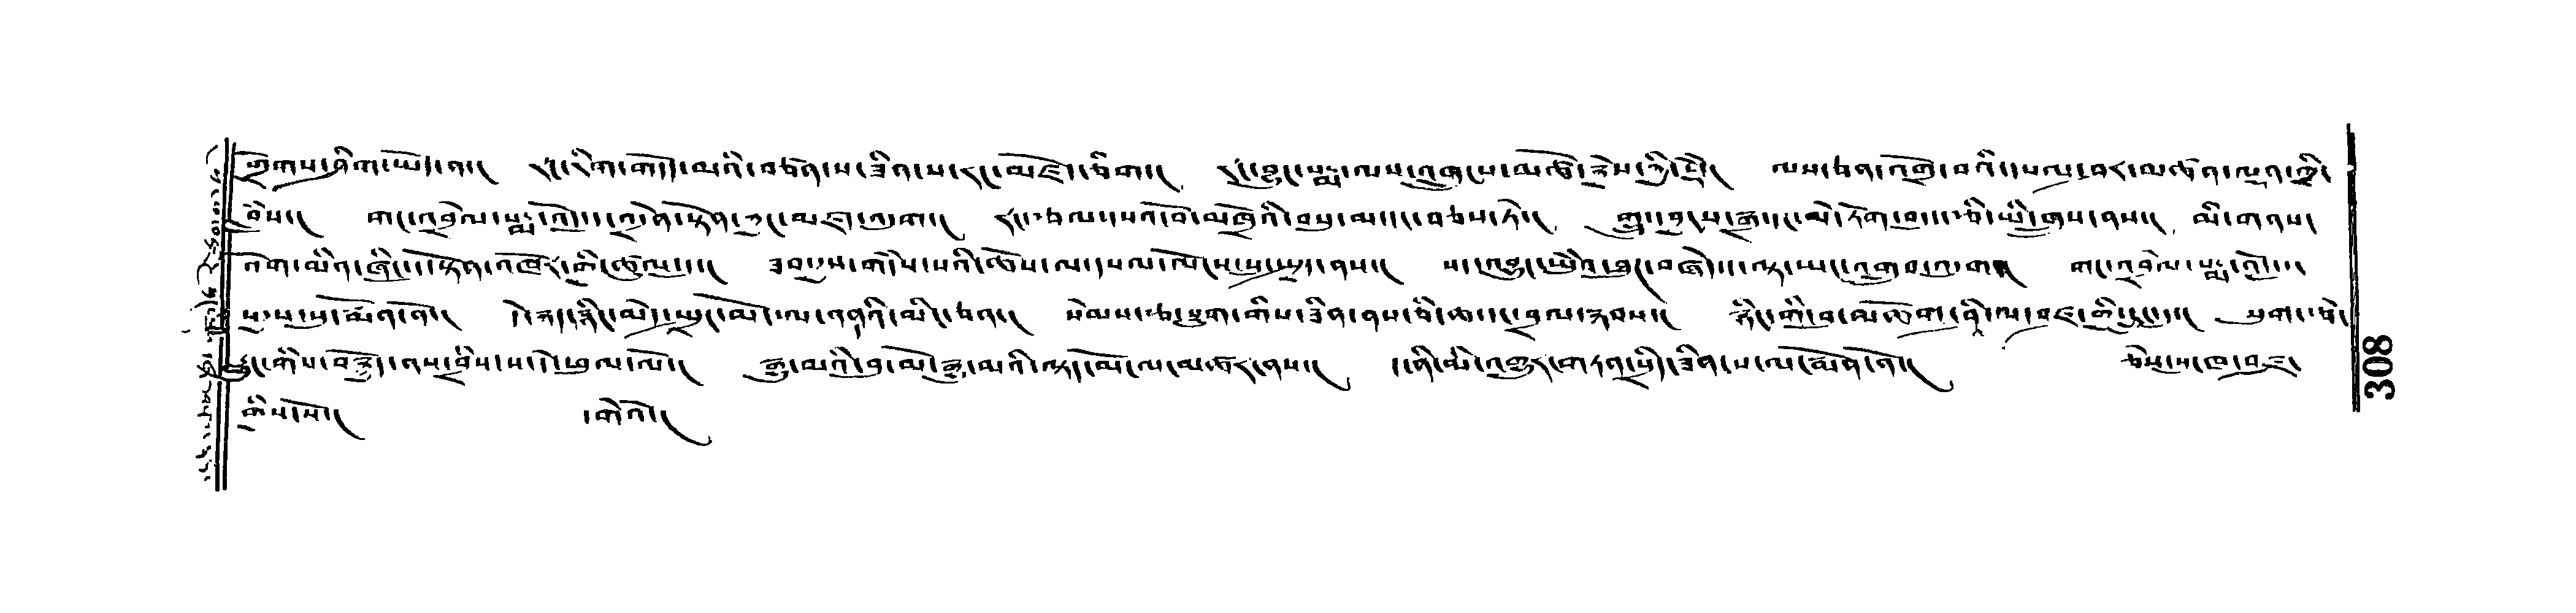གྲོགས་ཤིག་ཡོད་ན། །རང་རིག་གདོད་མའི་བཙན་ས་ཟིན་པ་རང་མཛོད་ཅིག །རང་བྱུང་པདྨ་ལས་འཁྲུངས་མཚོ་སྐྱེས་ཀྱི་རྡོ་རྗེ། །ལས་ཅན་འགྲོ་བའི་དཔལ་ཤར་མཚན་ལྡན་གྱི་
བླ་མས། །གང་འབྲེལ་པདྨ་འོད་དུ་འདྲེན་སྟོན་ཀྱང་མཛད་འདུག །རང་རྩལ་དཔའ་བོ་མཁའ་འགྲོའི་བསུ་མ་དང་བཅས་ཏེ། །གླུ་དབྱངས་སྒྲོ་དང་མེ་ཏོག་བདུད་རྩི་ཡི་ཁྲུས་ནས། །མི་གནས་
འོག་མིན་ཞིང་དུ་སྟོན་འཁོར་གྱི་ཚུལ་དུ། །ཟབ་རྒྱས་གདམས་པའི་ཆོས་ལ་དཔལ་ལོངས་སུ་སྤྱད་ནས། །པད་འབྱུང་ཡབ་ཡུམ་ཐུགས་བཞེད་ད་ལྟ་ཡང་འགྲུབ་འདུག །གང་འབྲེལ་པདྨ་འོད་དུ་
སངས་རྒྱས་སུ་སྨོན་ནོ། །དེ་སྐད་སྙིང་མེད་སྤྲང་མོ་ཨ་ནནྡའི་མིང་ཅན། །སེམས་རྩ་སྡུག་གིས་ཟིན་ནས་ཅི་ཆ་དང་བྲལ་སྐབས། །སྙིང་གི་བུ་མཆོག་ཤཱི་ལ་བཛྲ་གྱི་དྲུང་དུ། །སུག་རྩེ་
རླུང་གིས་བསྐྱོད་ནས་བྲིས་པ་དེ་ཕུལ་ལོ། །སྒྱུ་མའི་བུ་མོ་སྒྱུ་མའི་ལྟད་མོ་ལ་མཚར་ནས། །ད་ནི་མི་འགྱུར་གཏན་སྲིད་ཟིན་པ་ལ་སྨོན་ནོ།ཅེས་སུ་ཁ་བཛྲ་
གྱིས་སོ།། དགེའོ།།